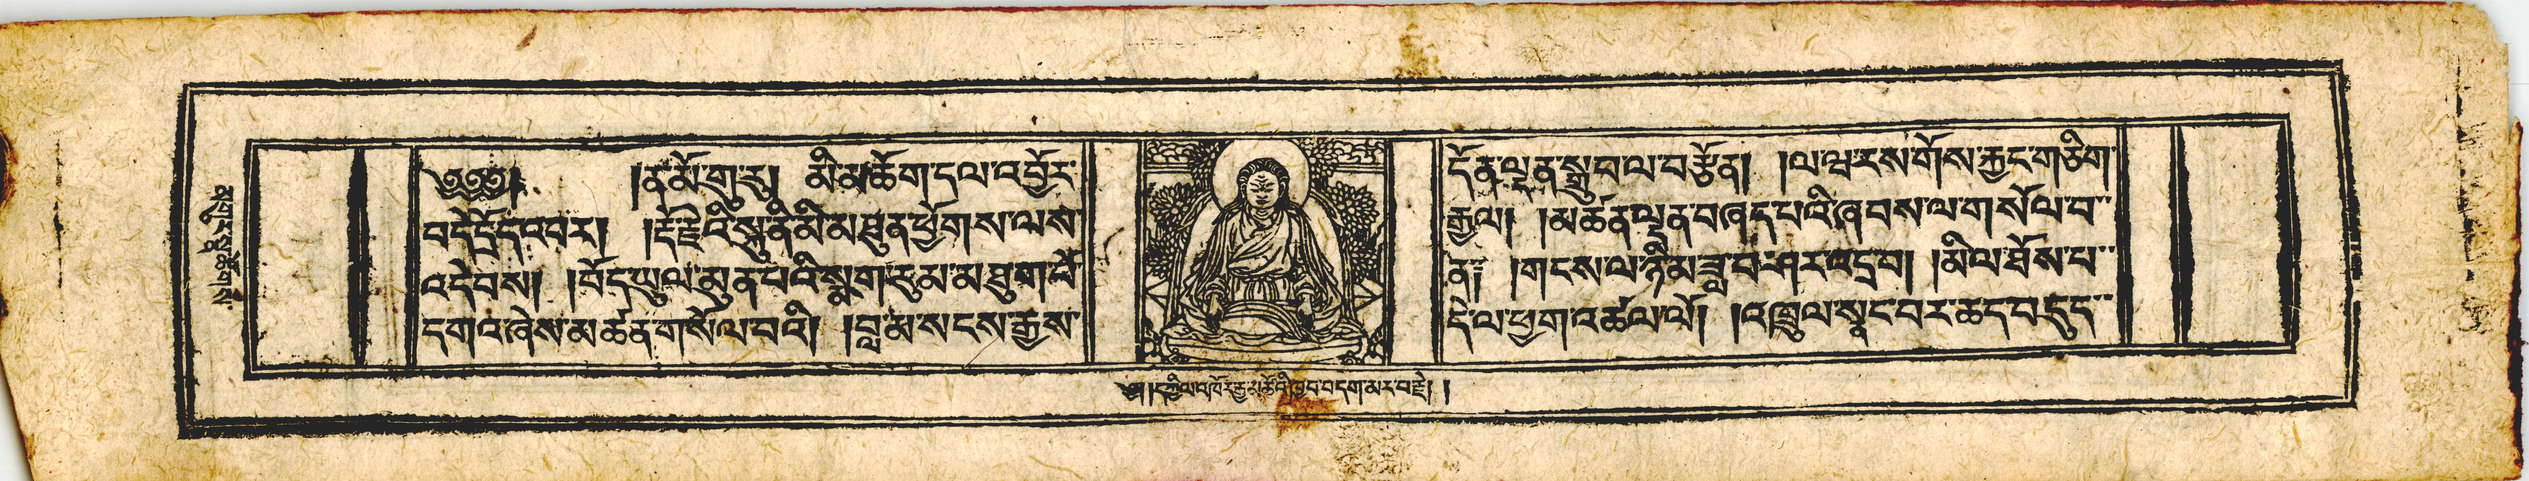ན་མོ་གུ་རུ། མི་མཆོག་དལ་འབྱོར་དོན་ལྡན་སྒྲུབ་ལ་བརྩོན། །ལ་ཝ་རས་གོས་རྐྱང་གཅིག་
བདེ་དྲོད་བར། །རྡོ་རྗེའི་སྐུ་ནི་མི་མཐུན་ཕྱོགས་ལས་རྒྱལ། །མཚན་ལྡན་བཞད་པའི་ཞབས་ལ་གསོལ་བ་
འདེབས། །བོད་ཡུལ་མུན་པའི་སྨུག་རུམ་མཐུག་པོ་ན༑ །གངས་ལ་ཉི་མ་ཟླ་བ་ཤར་འདྲ་བ། །མི་ལ་ཐོས་པ་
དགའ་ཞེས་མཚན་གསོལ་བའི། །བླ་མ་སངས་རྒྱས་དེ་ལ་ཕྱག་འཚལ་ལོ།། འཁྲུལ་སྣང་བར་ཚད་བདུད་